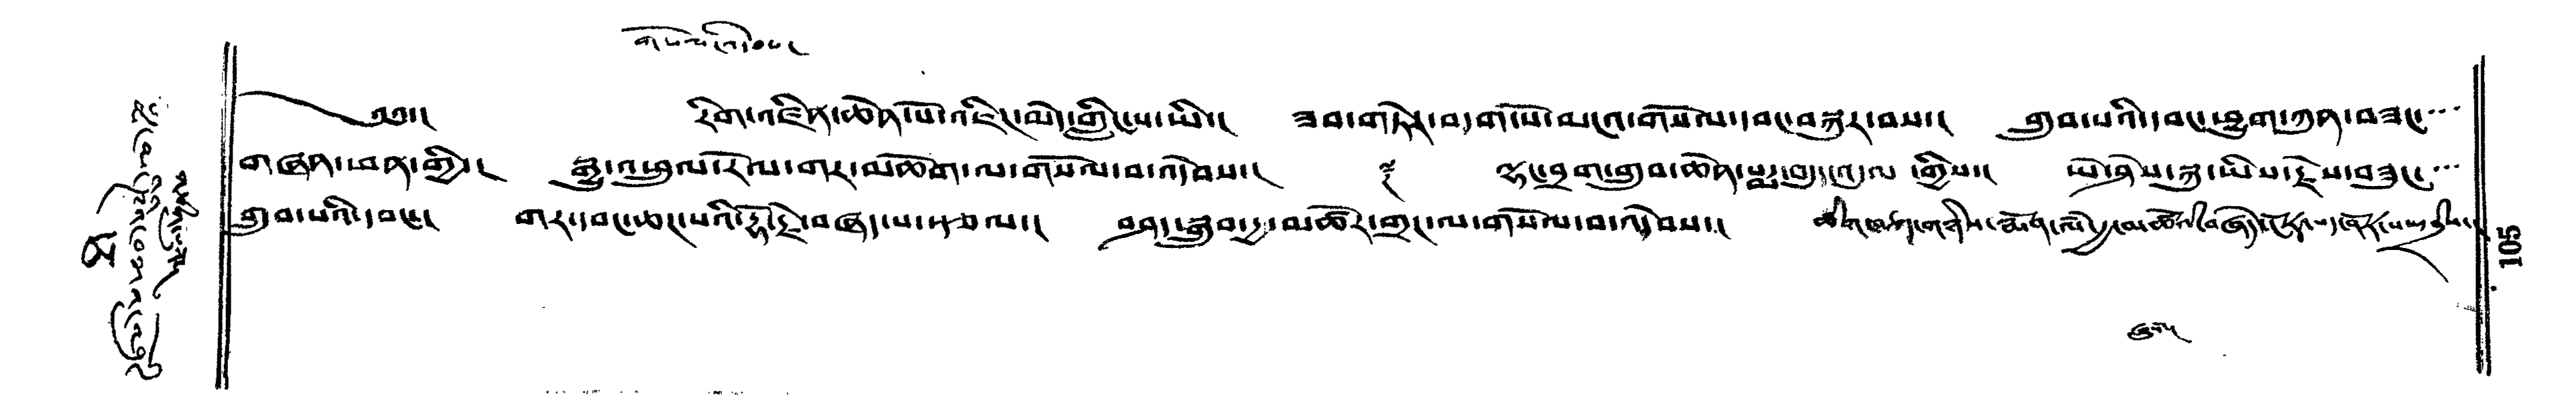གསོལ་འདེབས།
༄༅། རིག་འཛིན་ཆེན་པོ་འཇིགས་མེད་གླིང་པ་ཡི། །ཟབ་གཏེར་བདག་པོ་མངའ་གསོལ་དབང་བསྐུར་བ། །གྲུབ་པའི་དབང་ཕྱུག་ཀུན་བཟང་
གཞན་ཕན་གྱི། །སྒྱུ་འཕྲུལ་རོལ་གར་མཆོག་ལ་གསོལ་བ་འདེབས། ༈ ལྷང་བྲག་གྲུབ་ཆེན་པདྨ་བདུད་འདུལ་གྱིས། །ཡེ་ཤེས་སྐུ་ཡིས་རྗེས་བཟུང་
གྲུབ་པའི་དབང་། །གར་དབང་ཆགས་པའི་རྡོ་རྗེ་བཞད་པ་རྩལ། །བཤད་སྒྲུབ་རྒྱ་མཚོར་གྲགས་ལ་གསོལ་བ་འདེབས། ཚིགས་བཅད་གཉིས་སྨོན་ལམ་རྒྱ་མཚོའི་བཞེད་ངོར་པད་ནོར་པས་བྲིས།། དགེའོ།།